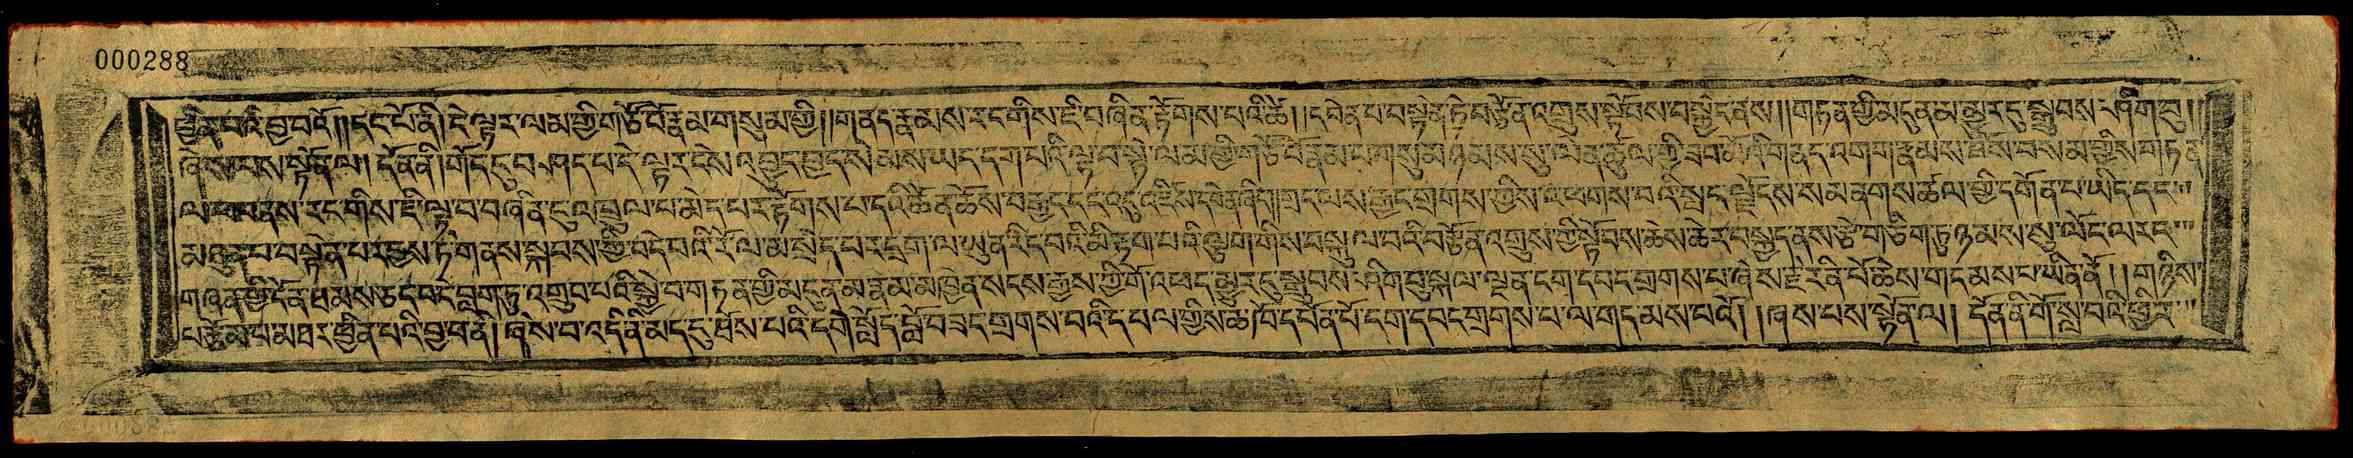ཕྱིན་པའི་བྱ་བའོ། །དང་པོ་ནི། དེ་ལྟར་ལམ་གྱི་གཙོ་བོ་རྣམ་གསུམ་གྱི། །གནང་རྣམས་རང་གིས་ཇི་བཞིན་རྟགས་པའི་ཚེ། །དབེན་པ་བསྟེན་ཏེ་བརྩོན་འགྲུས་སྟོབས་བསྐྱེད་ནས། །གཏན་གྱི་མདུན་མ་མྱུར་དུ་སྒྲུབས་ཤིག་བུ། །
ཞེས་པས་སྟོན་ལ། དོན་ནི། གོང་དུ་བཤད་པ་དེ་ལྟར་ངེས་འབྱུང་བྱང་སེམས་ཡང་དག་པའི་ལྟ་བ་སྟེ་ལམ་གྱི་གཙོ་བོ་རྣམ་པ་གསུམ་ཉམས་སུ་ལེན་ཚུལ་གྱི་ཟབ་མོའི་གནད་འགག་རྣམས་ཐོས་བསམ་གྱིས་གཏན་
ལ་ཕབ་ནས་རང་གིས་ཇི་ལྟ་བ་བཞིན་དུ་འཁྲུལ་པ་མེད་པར་རྟོགས་པ་དའི་ཚེ་ན་ཆོས་བརྒྱད་དང་འདུ་འཛིས་དབེན་ཞིང་། །གྲང་ལས་རྒྱང་གྲགས་ཀྱིས་འཕགས་པའི་སྤང་ལྗོངས་སམ་ནགས་ཚལ་གྱི་དགོན་པ་ཡིད་དང་་་
མཐུན་པ་བསྟེན་པར་བྱས་ཏེ་གནས་སྐབས་ཀྱི་བདེ་བའི་རོ་ལ་མ་སྲེད་པར་དྲག་ལ་ཡུན་རིང་བའི་མི་རྟག་པའི་ལྕག་གིས་བསྐུལ་བའི་བརྩོན་འགྲུས་ཀྱི་སྟོབས་ཆེས་ཆེར་བསྐྱེད་ནས་རྩེ་གཅིག་ཏུ་ཉམས་སུ་ལོང་ལ་རང་
གཞན་གྱི་དོན་ཐམས་ཅད་བདེ་བླག་ཏུ་འགྲུབ་པའི་སྐྱེ་བ་གཏན་གྱིས་མདུན་མ་རྣམ་མཁྱེན་སངས་རྒྱས་ཀྱི་གོ་འཕང་མྱུར་དུ་སྒྲུབས་ཤིག་བུ་སྐལ་ལྡན་ངག་དབང་གྲགས་པ་ཞེས་རྗེ་རིན་པོ་ཆེས་གདམས་པ་ཡིན་ནོ། །གཉིས་
པ་རྩོམ་པ་མཐར་ཕྱིན་པའི་བྱ་བ་ནི། ཞེས་པ་འདི་ནི་མང་དུ་ཐོས་པའི་དགེ་སློང་བློ་བཟང་གྲགས་པའི་དཔལ་གྱིས་ཆ་ཁོ་དབོན་པོ་ངག་དབང་གྲགས་པ་ལ་གདམས་པའོ། །ཞེས་པས་སྟོན་ལ། དོན་ནི་གོ་སླ་བའི་ཕྱིར་་་